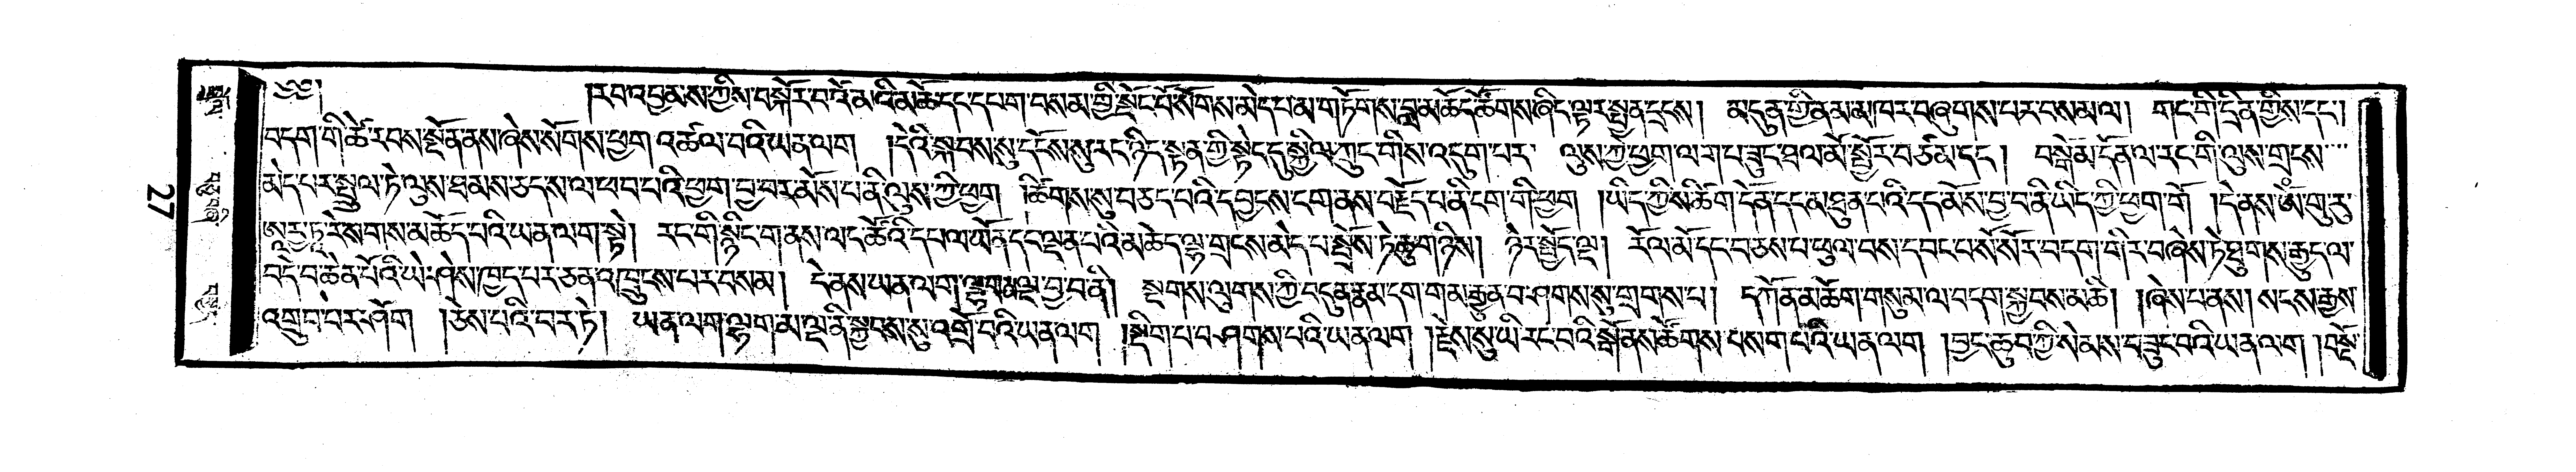༄༅། །རབ་འབྱམས་ཀྱིས་བསྐོར་བའོ་མའི་མཚོ་དང་དཔག་བསམ་གྱི་སྡོང་པོ་སོགས་མེད་པ་མ་གཏོགས་བླ་མཆོད་ཚོགས་ཞིང་ལྟར་སྤྱན་དྲངས། མདུན་གྱི་ནམ་མཁར་བཞུགས་པར་བསམས་ལ། གང་གི་དྲིན་གྱིས་དང་།
བདག་གིས་ཚེ་རབས་སྔོན་ནས་ཞེས་སོགས་ཕྱག་འཚལ་བའི་ཡན་ལག །དེའི་སྐབས་སུ་དངོས་སུ་རང་ཉིད་སྟན་གྱི་སྟེང་དུ་སྐྱིལ་ཀྲུང་གིས་འདུག་པར། ལུས་ཀྱི་ཕྱག་ལག་བཟུང་ཐལ་མོ་སྦྱོར་བ་ཙམ་དང་། བསྒོམ་དོན་ལ་རང་གི་ལུས་གྲངས་
མེད་པར་སྤྲུལ་ཏེ་ལུས་ཐམས་ཅད་ས་ལ་ཕབ་པའི་ཕྱག་བྱ་བར་མོས་པ་ནི་ལུས་ཀྱི་ཕྱག །ཚིགས་སུ་བཅད་པའི་དབྱངས་ངག་ནས་བརྗོད་པ་ནི་ངག་གི་ཕྱག །ཡིད་ཀྱིས་ཚིག་དོན་དང་མཐུན་པའི་དད་མོས་བྱ་བ་ནི་ཡིད་ཀྱི་ཕྱག་གོ །དེ་ནས་ཨོཾ་གུ་རུ་
ཨཱརྱ་ཏཱ་རེ་སོགས་མཆོད་པའི་ཡན་ལག་སྟེ། རང་གི་སྙིང་གནས་ལང་ཚོའི་དཔལ་ཡོན་དང་ལྡན་པའི་མཆོད་ལྷ་གྲངས་མེད་པ་སྤྲོས་ཏེ་ཆུ་གཉིས། ཉེར་སྤྱོད་ལྔ། རོལ་མོ་དང་བཅས་པ་ཕུལ་བས་དབང་པོ་སོ་སོར་བདག་གིར་བཞེས་ཏེ་ཐུགས་རྒྱུད་ལ་
བདེ་བ་ཆེན་པོའི་ཡེ་ཤེས་ཁྱད་པར་ཅན་འཁྲུངས་པར་བསམ། དེ་ནས་ཡན་ལག་ལྷག་མ་ལྔ་བྱ་བ་ནི། སྔགས་ལུགས་ཀྱི་བདུན་རྣམ་དག་གམ་རྒྱུན་བཤགས་སུ་གྲགས་པ། དཀོན་མཆོག་གསུམ་ལ་བདག་སྐྱབས་མཆི། །ཞེས་པ་ནས། སངས་རྒྱས་
འགྲུབ་པར་ཤོག །ཅེས་པའི་བར་ཏེ། ཡན་ལག་ལྷག་མ་ལྔ་ནི་སྐྱབས་སུ་འགྲོ་བའི་ཡན་ལག །སྡིག་པ་བཤགས་པའི་ཡན་ལག །རྗེས་སུ་ཡི་རང་བའི་སྒོ་ནས་ཚོགས་བསག་པའི་ཡན་ལག །བྱང་ཆུབ་ཀྱི་སེམས་བཟུང་བའི་ཡན་ལག །བསྔོ་